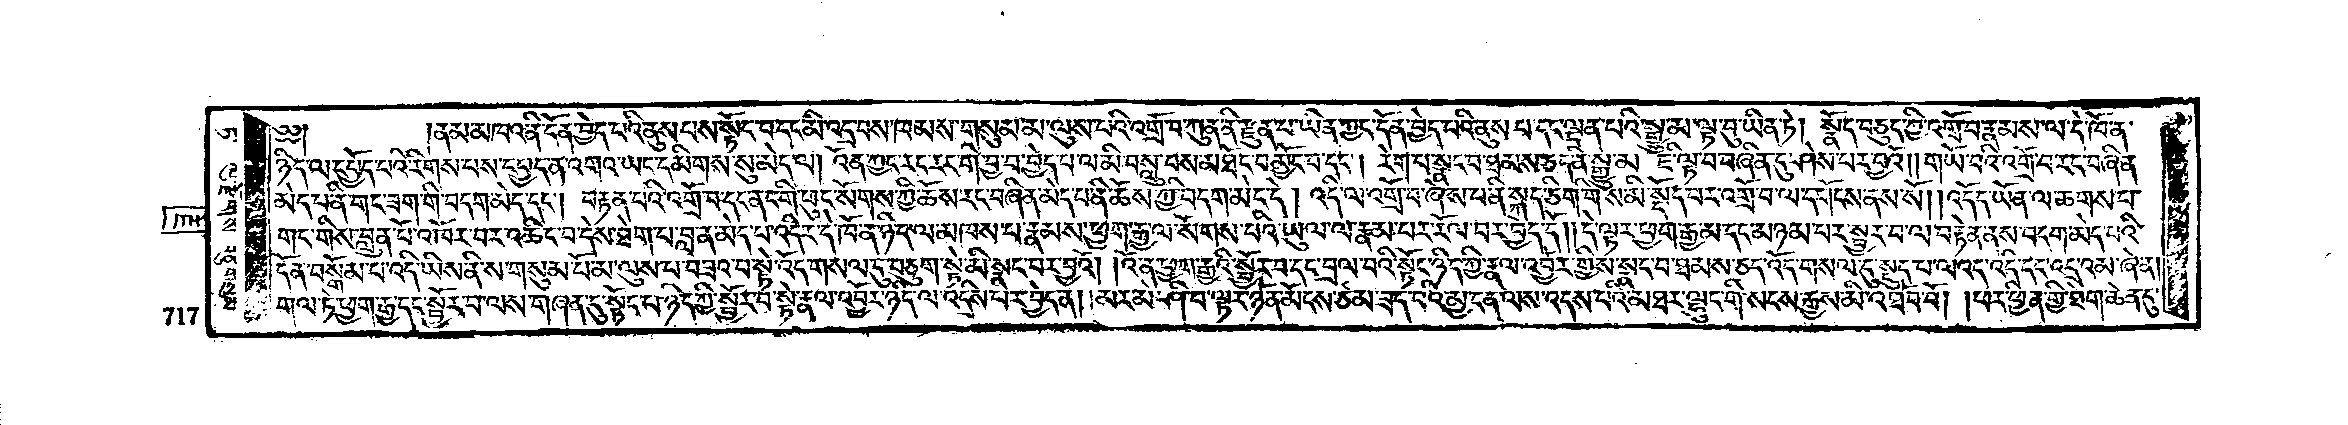༄༅། །ནམ་མཁའ་ནི་དོན་བྱེད་པའི་ནུས་པས་སྟོང་བ་དང་མི་འདྲ་བས་ཁམས་གསུམ་མ་ལུས་པའི་འགྲོ་བ་ཀུན་ནི་རྫུན་པ་ཡིན་ཀྱང་དོན་བྱེད་པའི་ནུས་པ་དང་ལྡན་པའི་སྒྱུ་མ་ལྟ་བུ་ཡིན་ཏེ། སྣོད་བཅུད་ཀྱི་འགྲོ་བ་རྣམས་ལ་དེ་ཁོ་ན་
ཉིད་ལ་དཔྱོད་པའི་རིགས་པས་དཔྱད་ན་འགའ་ཡང་དམིགས་སུ་མེད་ལ། འོན་ཀྱང་རང་རང་གི་བྱ་བ་བྱེད་པ་ལ་མི་བསླུ་བས་མཐོང་བ་མྱོང་བ་དང་། རེག་པ་སྣང་བ་ཐམས་ཅད་ནི་སྒྱུ་མ་ཇི་ལྟ་བ་བཞིན་དུ་ཤེས་པར་བྱའོ། །གཡོ་བའི་འགྲོ་བ་རང་བཞིན་
མེད་པ་ནི་གང་ཟག་གི་བདག་མེད་དང་། བརྟན་པའི་འགྲོ་བ་དང་ནང་གི་ཕུང་སོགས་ཀྱི་ཆོས་རང་བཞིན་མེད་པ་ནི་ཆོས་ཀྱི་བདག་མེད་དེ། འདི་ལ་འགྲོ་བ་ཞེས་པ་ནི་སྐད་ཅིག་གིས་མི་སྡོད་པར་འགྲོ་བ་ལ་དགོངས་ནས་སོ། །འདོད་ཡོན་ལ་ཆགས་པ་
གང་གིས་བླུན་པོ་འཁོར་བར་འཆིང་བ་དེས་ཐེག་པ་བླ་ན་མེད་པ་འདིར་དེ་ཁོ་ན་ཉིད་ལ་མཁས་པ་རྣམས་ཕྱག་རྒྱ་ལ་སོགས་པའི་ཡུལ་ལ་རྣམ་པར་རོལ་བར་བྱེད་དོ། །དེ་ལྟར་ཕྱག་རྒྱ་མ་དང་མཉམ་པར་སྦྱར་བ་ལ་བརྟེན་ནས་བདག་མེད་པའི་
དོན་བསྒོམ་པ་འདི་ཡིས་ནི་ས་གསུམ་པོ་མ་ལུས་པ་བཟའ་བ་སྟེ་འོད་གསལ་དུ་བཅུག་སྟེ་མི་སྣང་བར་བྱའོ། །འོ་ན་ཕྱག་རྒྱའི་སྦྱོར་བ་དང་བྲལ་བའི་སྟོང་ཉིད་ཀྱི་རྣལ་འབྱོར་གྱིས་སྣང་བ་ཐམས་ཅད་འོད་གསལ་དུ་སྡུད་པ་ལའང་འདི་དང་འདྲ་འམ་ཞེ་ན།
གལ་ཏེ་ཕྱག་རྒྱ་དང་སྦྱོར་བ་ལས་གཞན་དུ་སྟོང་པ་ཉིད་ཀྱི་སྦྱོར་བ་སྟེ་རྣལ་འབྱོར་ཉིད་ལ་འདྲིས་པར་བྱེད་ན། །མར་མེ་ཤི་བ་ལྟར་ཉོན་མོངས་ཙམ་ཟད་བའི་མྱ་ངན་ལས་འདས་པའི་མཐར་ལྷུང་གི་སངས་རྒྱས་མི་འཐོབ་བོ། །ཕར་ཕྱིན་གྱི་ཐེག་ཆེན་དུ་